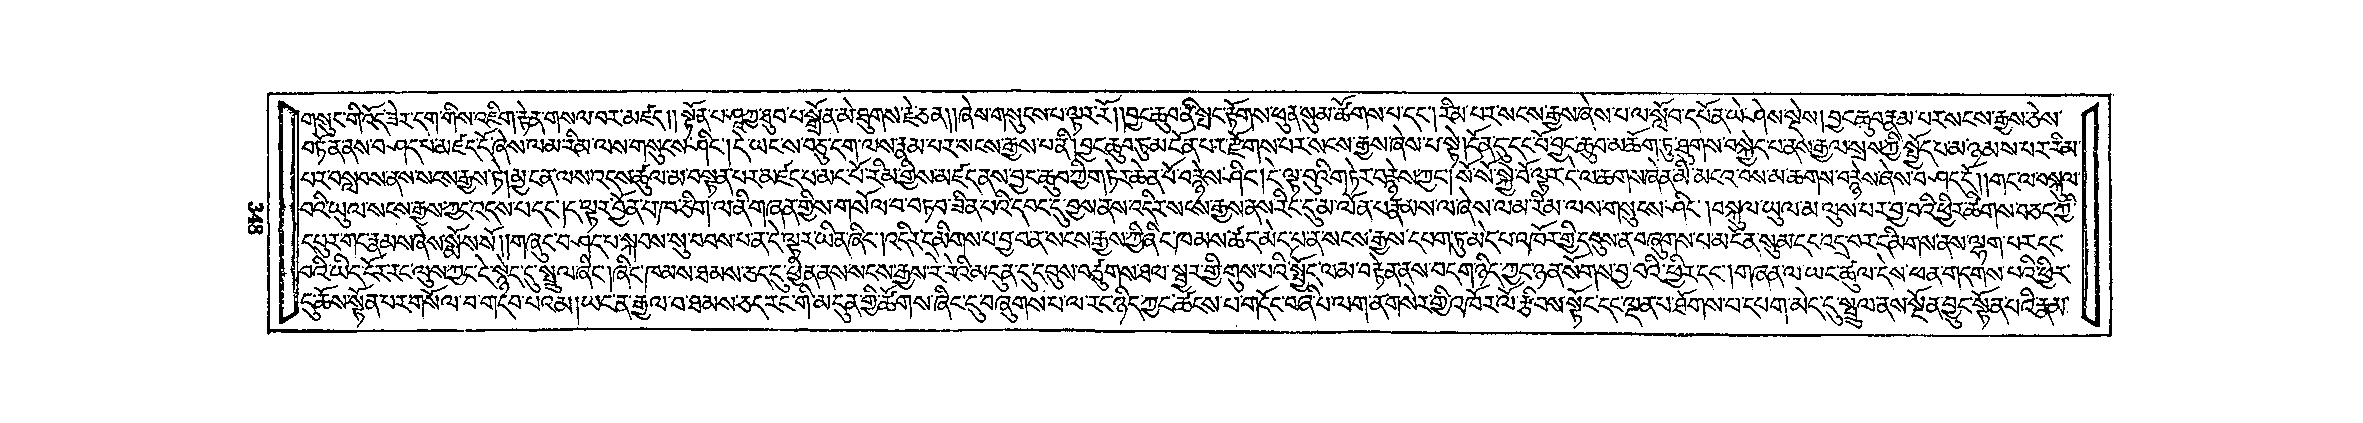གསུང་གི་འོད་ཟེར་དག་གིས་འཇིག་རྟེན་གསལ་བར་མཛད། །སྟོན་པ་ཤཱཀྱ་ཐུབ་པ་སྒྲོན་མེ་ཐུགས་རྗེ་ཅན། །ཞེས་གསུངས་པ་ལྟར་རོ། །བྱང་ཆུབ་ནི་སྤང་རྟོགས་ཕུན་སུམ་ཚོགས་པ་དང་། རིམ་པར་སངས་རྒྱས་ཞེས་པ་ལ་སློབ་དཔོན་ཡེ་ཤེས་སྡེས། བྱང་ཆུབ་རྣམ་པར་སངས་ཅེས་
བཏོན་ནས་བཤད་པ་མཛད་དོ་ཞེས་ལམ་རིམ་ལས་གསུངས་ཤིང་། དེ་ཡང་ས་བཅུ་དག་ལས་རྣམ་པར་སངས་རྒྱས་པ་ནི། བྱང་ཆུབ་ཏུ་མངོན་པར་རྫོགས་པར་སངས་རྒྱས་ཞེས་པ་སྟེ། དོན་དུ་དང་པོ་བྱང་ཆུབ་མཆོག་ཏུ་ཐུགས་བསྐྱེད་པ་ནས་རྒྱལ་སྲས་ཀྱི་སྤྱོད་པ་མ་ཉམས་པར་རིམ་
པར་བསླབས་ནས་སངས་རྒྱས་ཏེ། མྱ་ངན་ལས་འདས་ཚུལ་མ་བསྟན་པར་མཛད་པ་མང་པོ་རིམ་གྱིས་མཛད་ནས་བྱང་ཆུབ་ཀྱི་གཏེར་ཆེན་པོ་བརྙེས་ཤིང་། དེ་ལྟ་བུའི་གཏེར་བརྙེས་ཀྱང་། སོ་སོ་སྐྱེ་བོ་ལྟར་དེ་ལ་ཆགས་ཞེན་མི་མངའ་བས་མ་ཆགས་བརྙེས་ཞེས་བཤད་དོ། །གང་ལ་བསྐུལ་
བའི་ཡུལ་སངས་རྒྱས་ཀྱང་འདས་པ་དང་། ད་ལྟར་བྱོན་པ་ཁ་ཅིག་ལ་ནི་གཞན་གྱིས་གསོལ་བ་བཏབ་ཟིན་པའི་དབང་དུ་བྱས་ནས་འདིར་སངས་རྒྱས་ནས་རིང་དུ་མ་ལོན་པ་རྣམས་ལ་ཞེས་ལམ་རིམ་ལས་གསུངས་ཤིང་། བསྐུལ་ཡུལ་མ་ལུས་པར་བྱ་བའི་ཕྱིར་ཚིགས་བཅད་ཀྱི་
དཔུར་གང་རྣམས་ཞེས་སྨོས་སོ། །གཞུང་བཤད་པ་སྐབས་སུ་བབས་པ་ན་དེ་ལྟར་ཡིན་ཞིང་། འདིར་དམིགས་པ་བྱ་བ་ན་སངས་རྒྱས་ཀྱི་ཞིང་ཁམས་ཚད་མེད་པ་ན་སངས་རྒྱས་དཔག་ཏུ་མེད་པ་འཁོར་གྱི་དབུས་ན་བཞུགས་པ་མངོན་སུམ་དང་འདྲ་བར་དམིགས་ནས་ལྷག་པར་དང་
བའི་ཡིད་ངོར་རང་ལུས་ཀྱང་དེ་སྙེད་དུ་སྤྲུལ་ཞིང་། ཞིང་ཁམས་ཐམས་ཅད་དུ་ཕྱིན་ནས་སངས་རྒྱས་རེ་རེའི་མདུན་དུ་དབུས་བཙུགས་ཐལ་སྦྱར་གྱི་གུས་པའི་སྤྱོད་ལམ་བརྟེན་ནས་བདག་ཉིད་ཀྱང་ཉན་སོགས་བྱ་བའི་ཕྱིར་དང་། གཞན་ལ་ཡང་ཚུལ་དེས་ཕན་གདགས་པའི་ཕྱིར་
དུ་ཆོས་སྟོན་པར་གསོལ་བ་གདབ་པའམ། ཡང་ན་རྒྱལ་བ་ཐམས་ཅད་རང་གི་མདུན་གྱི་ཚོགས་ཞིང་དུ་བཞུགས་པ་ལ་རང་ཉིད་ཀྱང་ཚངས་པ་གདོང་བཞི་པ་ལག་ན་གསེར་གྱི་འཁོར་ལོ་རྩིབས་སྟོང་དང་ལྡན་པ་ཐོགས་པ་དཔག་མེད་དུ་སྤྲུལ་ནས་སྔོན་བྱུང་སྟོན་པའི་རྣམ་